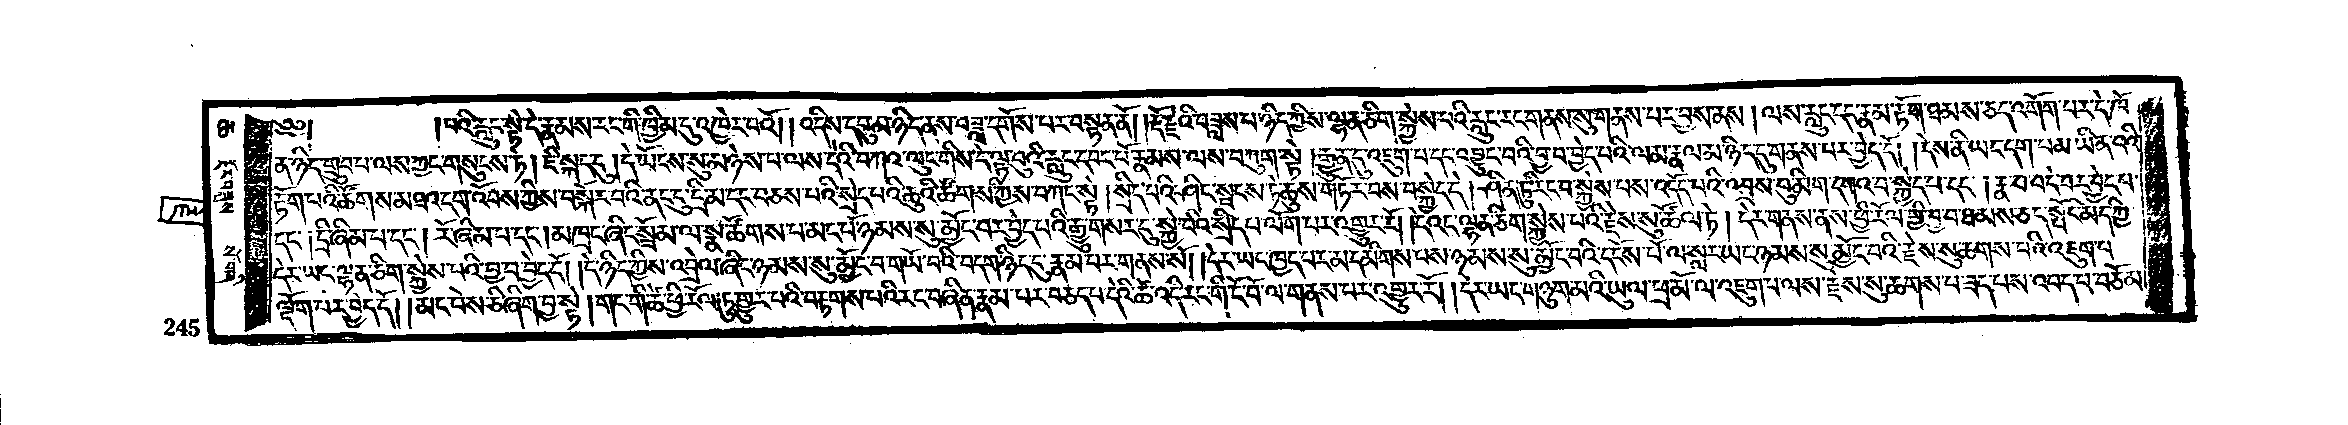༄༅། །པའི་རླུང་སྟེ་དེ་རྣམས་རང་གི་ཁྱིམ་དུ་འཁྱེར་བའོ། །འདིས་དབུ་མ་ཉིད་ནས་བཟླ་དགོས་པར་བསྟན་ནོ། །རྡོ་རྗེའི་བཟླས་པ་ཉིད་ཀྱིས་ལྷན་ཅིག་སྐྱེས་པའི་རླུང་རང་གནས་སུ་གནས་པར་བྱས་ནས། ལས་རླུང་དང་རྣམ་རྟོག་ཐམས་ཅད་འགོག་པར་དེ་ཁོ་
ན་ཉིད་གྲུབ་པ་ལས་ཀྱང་གསུངས་ཏེ། ཇི་སྐད་དུ། དེ་ཡོངས་སུ་མཉེས་པ་ལས་དེའི་བཀའ་ལུང་གིས་དེ་ལྟ་བུའི་རླུང་དབང་པོ་རྣམས་ལས་བཀུག་སྟེ། རྒྱུན་དུ་འཇུག་པ་དང་འབྱུང་བའི་བྱ་བ་བྱེད་པའི་ལམ་རྣལ་མ་ཉིད་དུ་གནས་པར་བྱེད་དོ། །དེས་ནི་ཡང་དག་པ་མ་ཡིན་པའི་
རྟོག་པའི་ཚོགས་མཐའ་དག་འོབས་ཀྱིས་བསྐོར་བའི་ནང་དུ་དྲི་མ་དང་བཅས་པའི་སྲེད་པའི་ཆུའི་ཚོགས་ཀྱིས་བཀང་སྟེ། སྲིད་པའི་ཤིང་སྦངས་ཏེ་ཆུས་གཏོར་བས་བསྐྱེད་དེ། ཤིན་ཏུ་རིང་བ་སྐྱེས་པས་འདོད་པའི་འབྲས་བུ་མིག་དགའ་བ་སྐྱེད་པ་དང་། རྣ་བ་བདེ་བར་བྱེད་པ་
དང་། དྲི་ཞིམ་པ་དང་། རོ་ཞིམ་པ་དང་། མཁྲང་ཞིང་སྦོམ་ལ་སྣ་ཚོགས་པ་མང་པོ་ཉམས་སུ་མྱོང་བར་བྱེད་པའི་རྒྱུ་གསར་དུ་སྐྱེ་བའི་སྲིད་པ་ལོག་པར་འགྱུར་རོ། །དེའང་ལྷན་ཅིག་སྐྱེས་པའི་རྗེས་སུ་ཚོལ་ཏེ། དེར་གནས་ནས་ཕྱི་རོལ་གྱི་བྱ་བ་ཐམས་ཅད་སྤོང་མེད་ཀྱི་
དེར་ཡང་ལྷན་ཅིག་སྐྱེས་པའི་བྱ་བ་བྱེད་དོ། །དེ་ཉིད་ཀྱིས་འབྲེལ་ཞིང་ཉམས་སུ་མྱོང་བ་གཡོ་བའི་བདག་ཉིད་དུ་རྣམ་པར་གནས་སོ། །དེར་ཡང་ཁྱད་པར་མ་དམིགས་པས་ཉམས་སུ་མྱོང་བའི་དངོས་པོ་ལ་སླར་ཡང་ཉམས་སུ་མྱོང་བའི་རྗེས་སུ་ཆགས་པའི་འཇུག་པ་
ལྡོག་པར་བྱེད་དོ། །མང་པོས་ཅི་ཞིག་བྱ་སྟེ། གང་གི་ཚེ་ཕྱི་རོལ་ཏུ་གྱུར་པའི་བརྟགས་པའི་རང་བཞིན་རྣམ་པར་བཅད་པ་དེའི་ཚེ་འདི་རང་གི་ངོ་བོ་ལ་གནས་པར་འགྱུར་རོ། །དེར་ཡང་གཉུག་མའི་ཡུལ་ཕྲ་མོ་ལ་འཇུག་པ་ལས་རྗེས་སུ་ཆགས་པ་ཟད་པས་འབད་པ་བཅོམ་